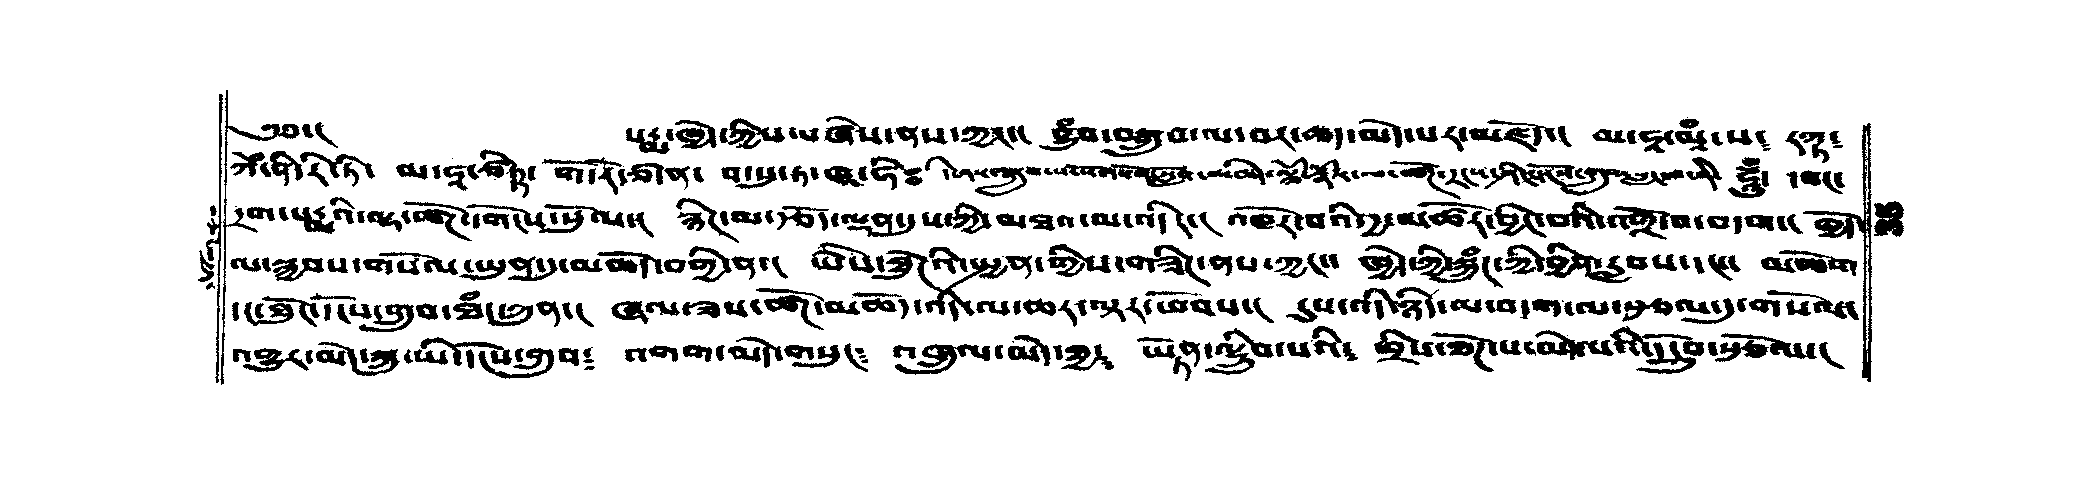པདྨ་ཁྱེད་ཀྱིས་བཞེས་ནས་ཀྱང་། །བྱང་ཆུབ་བསྒྲུབ་ལ་བར་ཆད་མེད་པར་མཛོད། །མ་ཧཱ་མཱཾ་ས། རཀྟ་
ཀེཾ་ནི་རི་ཏི། མ་ཧཱ་ཙིཏྟ་གོ་རོ་ཙ་ན་བ་སུ་ཏ་ཁཱ་ཧི། དེ་ནས་སྒྲུབ་པ་པོ་དཔོན་སློབ་མཆེད་ལྕམ་རྣམས་ལ་ཚོགས་དྲངས་ཤིང་དངོས་གྲུབ་བླང་བ་ནི། ཧཱུྃ། དབང་
དྲག་པདྨའི་ལྷ་ཚོགས་དགོངས་སུ་གསོལ། །སྙིགས་མ་རྩོད་ལྡན་དུས་ཀྱི་མཐའ་མ་འདིར། །འཁོར་བའི་རྒྱ་མཚོར་བྱིང་བའི་འགྲོ་བ་བདག་ཁྱོད་
ལ་སྐྱབས་གསོལ་ཡུན་དུ་མཆོདབགྱི་ན། །ཡེ་ཤེས་ཐུགས་རྗེའི་སྤྱན་གྱིས་གཟིགས་ནས་ཀྱང་། །ཁྱེད་ཀྱི་སྐུ་གསུང་ཐུགས་ཀྱི་བྱིན་རླབས་དང་། །མཆོག་
དང་ཐུན་མོང་དངོས་གྲུབ་ཐམས་ཅད་ཀུན། །ཞལ་ཟས་ཚོགས་མཆོད་འདི་ལ་ཆར་ཆེན་ཕོབས། །དུས་འདི་ཉིད་ལ་བདག་ལ་སྩལ་དུ་གསོལ། །
འགྱུར་མེད་སྐུ་ཡི་དངོས་གྲུབ་༴ འགག་མེད་གསུང་༴ འཁྲུལ་མེད་ཐུགས་༴ ཡོན་ཏན་ལྷུན་གྱིས་གྲུབ་པའི་༴ ཕྲིན་ལས་ཐོགས་པ་མེད་པའི་དངོས་གྲུབ་སྩོལ། །